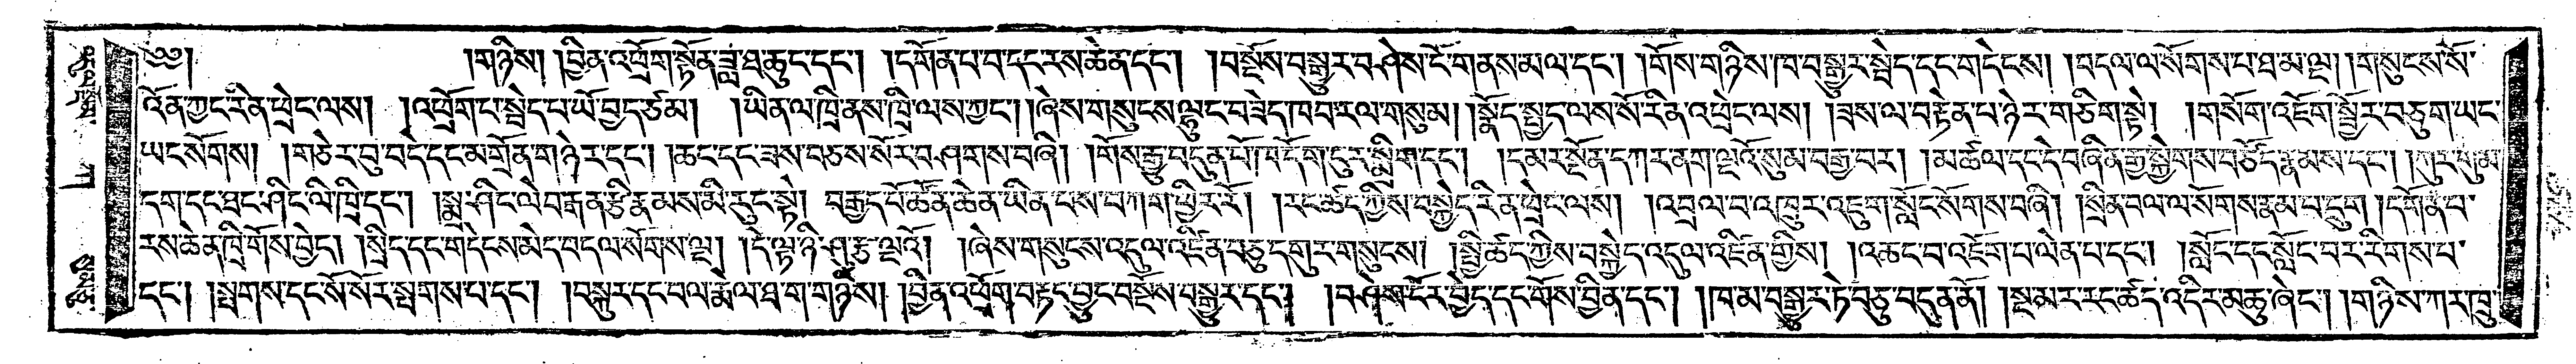༄༅། །གཉིས། །བྱིན་འཕྲོག་སྟོན་ཟླ་བ་ཆུང་དང་། །དགོན་པ་བ་དང་རས་ཆེན་དང་། །བསྔོས་བསྒྱུར་བཤེས་ངོ་གནས་མལ་དང་། །གོས་གཉིས་ཁ་བསྒྱུར་སྦེད་དང་གདེངས། །བདལ་ལ་སོགས་པ་ཐ་མ་ལྔ། །གསུངས་སོ་
འོན་ཀྱང་རིན་ཕྲེང་ལས། །འཕྲོག་པ་སྦེད་པ་ཡོ་བྱད་ཙམ། །ཡིན་ལ་ཁྲི་ནས་ཁྲི་ལས་ཀྱང་། །ཞེས་གསུངས་ལྷུང་བཟེད་ཁབ་རལ་གསུམ། །སྣོད་སྤྱད་ལས་སོ་རིན་འཕྲེང་ལས། །ཟས་ལ་བརྟེན་པ་ཉེར་གཅིག་སྟེ། །གསོག་འཇོག་སྦྱོར་བཅུ་གཡང་
ཡང་སོགས། །གཅེར་བུ་བདེ་དང་མགྲོན་གཉེར་དང་། །ཆང་དང་ཟས་བཅས་སོར་བཤགས་བཞི། །གོས་རྒྱུ་བདུན་པོ་ཁ་དོག་དུར་སྨྲིག་དང་། །དམར་སྔོན་དཀར་ནག་ལྔའོ་སུམ་བརྒྱ་བར། །མཚལ་དང་དེ་བཞིན་རྒྱ་སྐྱེབས་བཙོད་རྣམས་དང་། །ཀུར་གུམ་
དག་དང་ཐང་ཤིང་ལི་ཁྲི་དང་། །སྨྲ་ཤིང་ལེ་བརྒན་རྩི་རྣམས་མི་རུང་སྟེ། བརྒྱད་བོ་ཆེན་ཆེན་ཡིན་པས་བཀག་ཕྱིར་རོ། །རང་ཚད་ཀྱིས་བསྐྱེད་རིན་ཕྲེང་ལས། །འབྲལ་བ་འཁྲུར་འཇུག་སློང་སོགས་བཞི། །སྲིན་བལ་ལ་སོགས་རྣམ་པ་དྲུག །དགོན་པ་
རས་ཆེན་ཁྲི་གོས་བྱེད། །སྲིད་དང་གདེངས་མེད་བད་ལ་སོགས་ལྔ། །དེ་ལྟ་ཉི་ཤུ་རྩ་ལྔའོ། །ཞེས་གསུངས་འདུལ་འཛིན་བཅུ་དགུར་གསུངས། །སྤྱི་ཚད་ཀྱིས་བསྐྱེད་འདུལ་འཛིན་གྱིས། །འཆང་བ་འཇོག་པ་ལེན་པ་དང་། །སློང་དང་སློང་བར་རིགས་པ་
དང་། །སྤགས་དང་སོ་སོར་སྤགས་པ་དང་། །བསྐུར་དང་བལ་རྨལ་ཐ་ག་གཉིས། །བྱིན་འཕྲོག་བརྟང་བྱུང་བསྔོས་བསྒྱུར་དང་། །བཤེས་ངོར་བྱེད་དང་གོས་བྱིན་དང་། །ཁ་མ་བསྒྱུར་ཏ་བཅུ་བདུན་ནོ། །སྔ་མར་རང་ཚད་འདིར་མཆུ་ཞེང་། །གཉིས་ཀར་ཁྲུ་